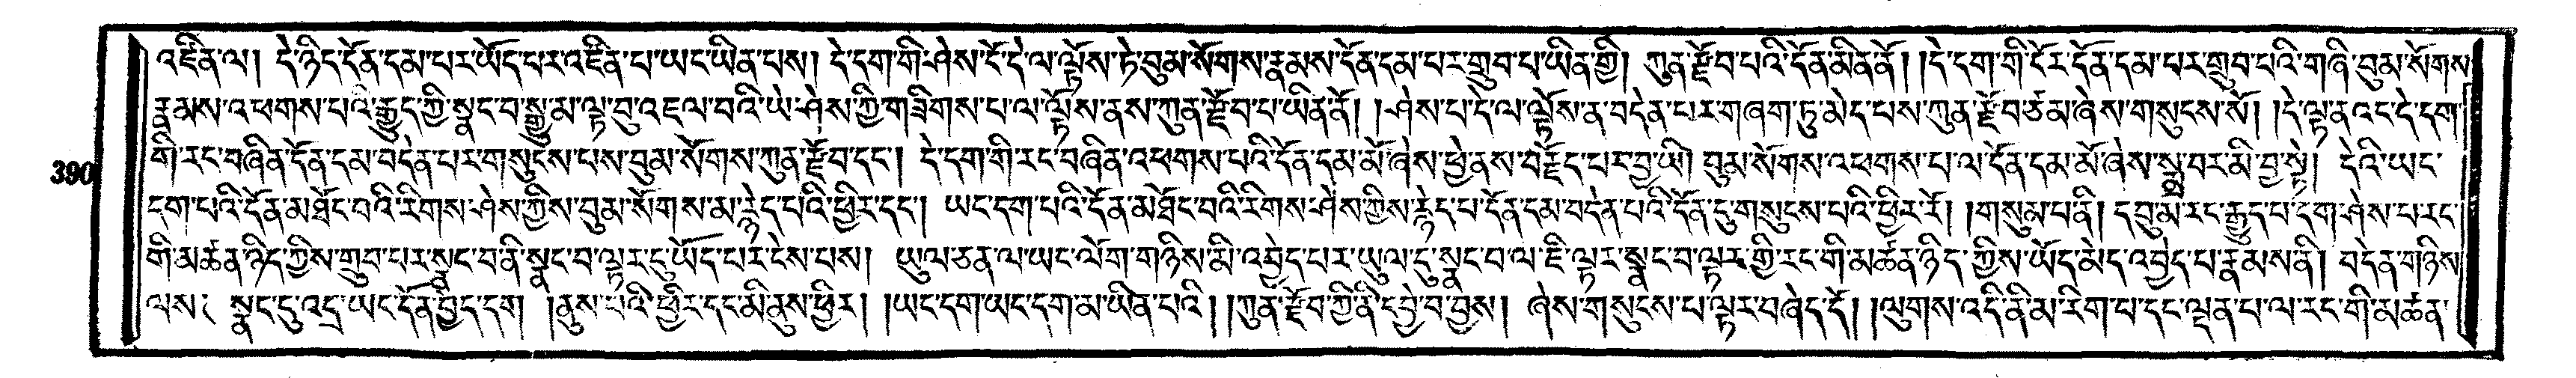འཛིན་ལ། དེ་ཉིད་དོན་དམ་པར་ཡོད་པར་འཛིན་པ་ཡང་ཡིན་པས། དེ་དག་གི་ཤེས་ངོ་དེ་ལ་ལྟོས་ཏེ་བུམ་སོགས་རྣམས་དོན་དམ་པར་གྲུབ་པ་ཡིན་གྱི། ཀུན་རྫོབ་པའི་དོན་མིན་ནོ། །དེ་དག་གི་ངོར་དོན་དམ་པར་གྱུར་བའི་གཞི་བུམ་སོགས་
རྣམས་འཕགས་པའི་རྒྱུད་ཀྱི་སྣང་བ་སྒྱུ་མ་ལྟ་བུ་འཇལ་བའི་ཡེ་ཤེས་ཀྱི་གཟིགས་པ་ལ་ལྟོས་ནས་ཀུན་རྫོབ་པ་ཡིན་ནོ། །ཤེས་པ་དེ་ལ་ལྟོས་ན་བདེན་པར་གཞག་ཏུ་མེད་པས་ཀུན་རྫོབ་ཙམ་ཞེས་གསུངས་སོ། །དེ་ལྟ་ནའང་དེ་དག་
གི་རང་བཞིན་དོན་དམ་བདེན་པར་གསུངས་པས་བུམ་སོགས་ཀུན་རྫོབ་དང་། དེ་དག་གི་རང་བཞིན་འཕགས་པའི་དོན་དམ་མོ་ཞེས་ཕྱེ་ནས་བརྗོད་པར་བྱ་ཡི། བུམ་སོགས་འཕགས་པ་ལ་དོན་དམ་མོ་ཞེས་སྨྲ་བར་མི་བྱ་སྟེ། དེའི་ཡང་
དག་པའི་དོན་མཐོང་བའི་རིགས་ཤེས་ཀྱིས་བུམ་སོགས་མ་རྙེད་པའི་ཕྱིར་དང་། ཡང་དག་པའི་དོན་མཐོང་བའི་རིགས་ཤེས་ཀྱིས་རྙེད་པ་དོན་དམ་བདེན་པའི་དོན་དུ་གསུངས་པའི་ཕྱིར་རོ། །གསུམ་པ་ནི། དབུ་མ་རང་རྒྱུད་པ་དག་ཤེས་པ་རང་
གི་མཚན་ཉིད་ཀྱིས་གྲུབ་པར་སྣང་བ་ནི་སྣང་བ་ལྟར་དུ་ཡོད་པར་ངེས་པས། ཡུལ་ཅན་ལ་ཡང་ལོག་གཉིས་མི་འབྱེད་པར་ཡུལ་དུ་སྣང་བ་ལ་ཇི་ལྟར་སྣང་བ་ལྟར་གྱི་རང་གི་མཚན་ཉིད་ཀྱིས་ཡོད་མེད་འབྱེད་པ་རྣམས་ནི། བདེན་གཉིས་
ལས༑ སྣང་དུ་འདྲ་ཡང་དོན་བྱེད་དག །ནུས་པའི་ཕྱིར་དང་མི་ནུས་ཕྱིར། །ཡང་དག་ཡང་དག་མ་ཡིན་པའི་། །ཀུན་རྫོབ་ཀྱི་ནི་དབྱེ་བ་བྱས། ཞེས་གསུངས་པ་ལྟར་བཞེད་དོ། །ལུགས་འདི་ནི་མ་རིག་པ་དང་ལྡན་པ་ལ་རང་གི་མཚན་